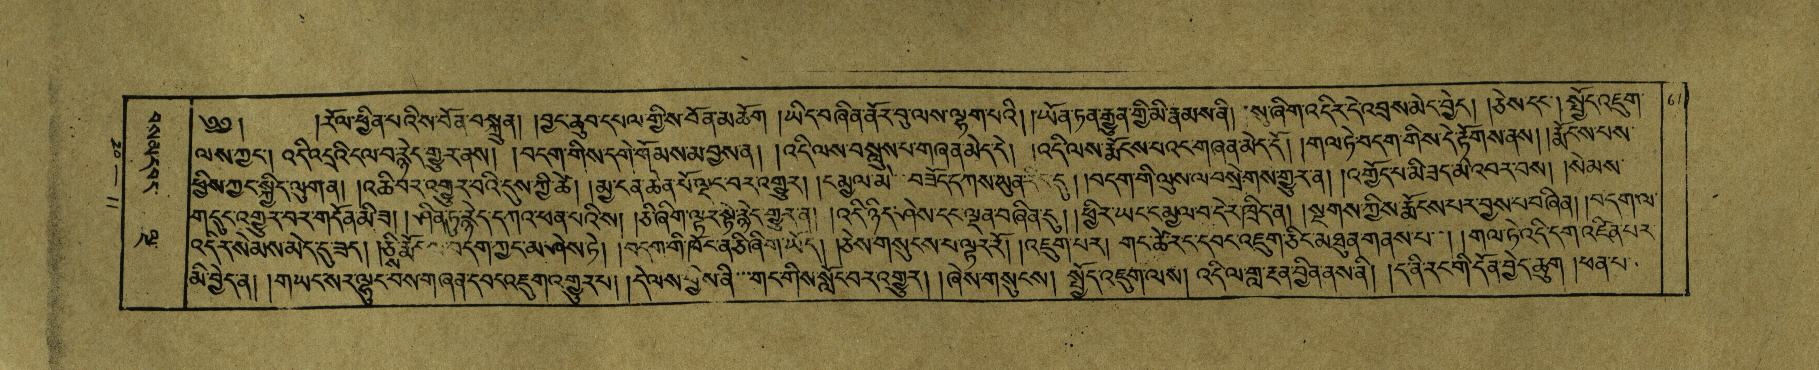༄༅། །རོལ་ཕྱིན་པའི་ས་བོན་བསྐྲུན། །བྱང་ཆུབ་དཔལ་གྱི་ས་བོན་མཆོག །ཡིད་བཞིན་ནོར་བུ་ལས་ལྷག་པའི། །ཡོན་ཏན་རྒྱུན་གྱི་མི་རྣམས་ནི། །སུ་ཞིག་འདིར་དེ་འབྲས་མེད་བྱེད། །ཅེས་དང་། སྤྱོད་འཇུག་
ལས་ཀྱང་། འདི་འདྲའི་ངལ་བ་རྙེད་གྱུར་ནས། །བདག་གིས་དགེ་གོམས་མ་བྱས་ན། །འདི་ལས་བསླུས་པ་གཞན་མེད་དེ། །དཱི་ལས་རྨོངས་པའང་གཞན་མེད་དོ། །གལ་ཏེ་བདག་གིས་དེ་རྟོགས་ནས། །རྨོངས་པས་
ཕྱིས་ཀྱང་སྐྱིད་ལུག་ན། །འཆི་བར་འགྱུར་བའི་དུས་ཀྱི་ཚེ། །མྱ་ངན་ཆེན་པོ་ལྡང་བར་འགྱུར། །དམྱལ་མེ་བཟོད་དཀས་ཡུན་རིང་དུ། །བདག་གི་ལུས་ལ་བསྲེགས་གྱུར་ན། །འགྱོད་པ་མི་ཟད་མི་འབར་བས། །སེམས་
གདུང་འགྱུར་བར་གདོན་མི་ཟ། །ཤིན་ཏུ་རྙེད་དཀའ་ཕན་པའི་ས། །ཅི་ཞིག་ལྟར་སྟེ་རྙེད་གྱུར་ན། །འདི་ཉིད་ཤེས་དང་ལྡན་བཞིན་དུ། །ཕྱིར་ཡང་དམྱལ་བ་དེར་ཁྲིད་ན། །སྔགས་ཀྱིས་རྨོངས་པར་བྱས་པ་བཞིན། །བདག་ལ་
འདིར་སེམས་མེད་དུ་ཟད། །ཅིས་རྨོངས་བདག་ཀྱང་མ་ཤེས་ཏེ། །བདག་གི་ཁོང་ན་ཅི་ཞིག་ཡོད། །ཅེས་གསུངས་པ་ལྟར་རོ། །འཇུག་པར། གང་ཚེ་རང་དབང་འཇུག་ཅིང་མཐུན་གནས་པ། །གལ་ཏེ་འདི་དག་འཛིན་པར་
མི་བྱེད་ན། །གཡང་སར་ལྷུང་བས་གཞན་དབང་འཇུག་འགྱུར་པ། །དེ་ལས་ཕྱིས་ནི་གང་གིས་སློང་བར་འགྱུར། །ཞེས་གསུངས། སྤྱོད་འཇུག་ལས། འདི་ལ་གླང་རྔན་བྱིན་ནས་ནི། །ད་ནི་རང་གི་དོན་བྱེད་ཆུག །ཕན་པ་